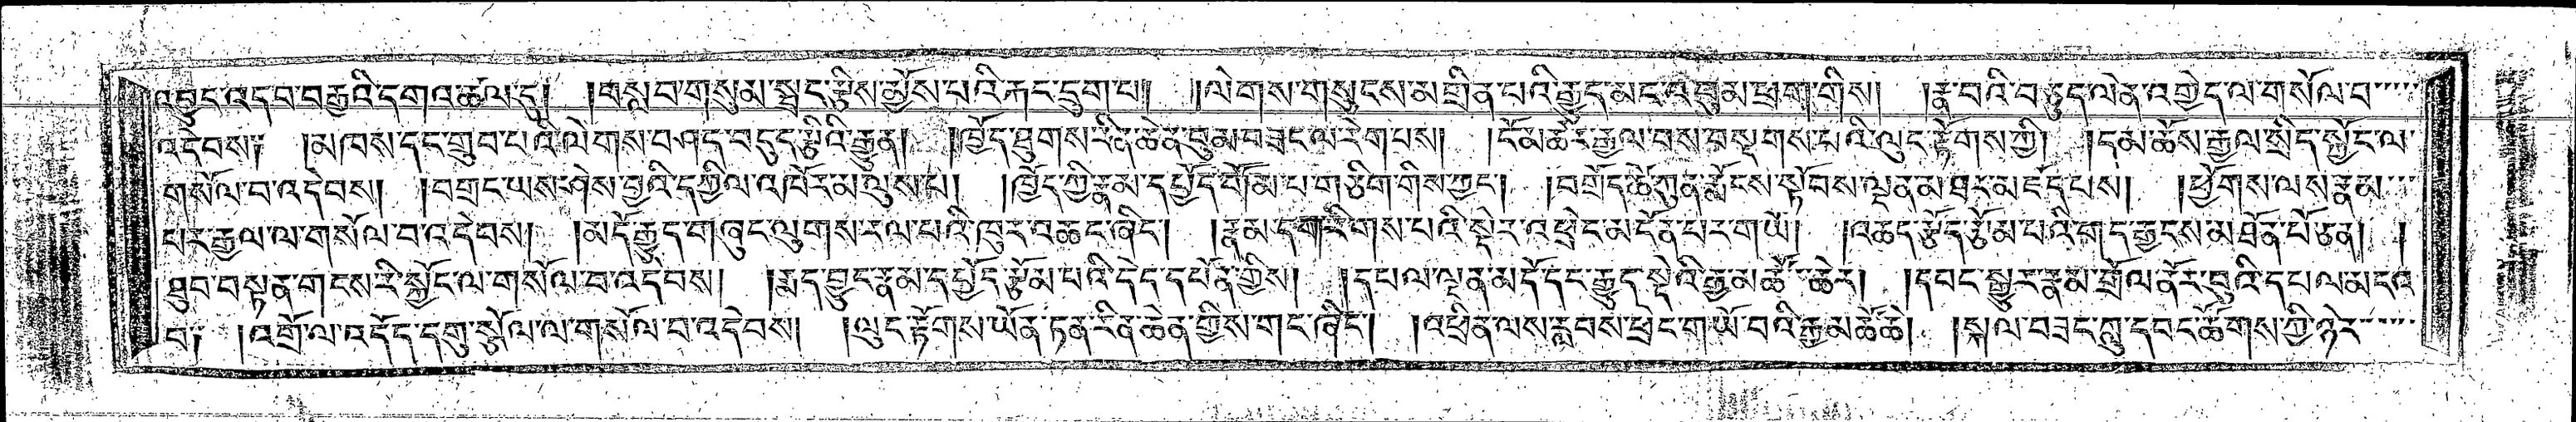འབྱུང་འདབ་བརྒྱའི་དགའ་ཚལ་དུ། །བསླབ་གསུམ་སྦྲང་རྩིས་མྱོས་པའི་རྐང་དྲུག་པ། །ལེགས་གསུངས་མགྲིན་པའི་རྒྱུད་མང་འབུམ་ཕྲག་གིས། །རྣ་བའི་བཅུད་ལེན་འགྱེད་ལ་གསོལ་བ་
འདེབས། །མཁས་དང་གྲུབ་པའི་ལེགས་བཤད་བདུད་རྩིའི་རྒྱུན། །ཁྱོད་ཐུགས་རིན་ཆེན་བུམ་བཟང་ལ་རེག་པས། །ངོ་མཚར་རྒྱལ་བས་བསྔགས་པའི་ལུང་རྟོགས་ཀྱི། །དམ་ཆོས་རྒྱལ་སྲིད་སྐྱོང་ལ་
གསོལ་བ་འདེབས། །བགྲང་ཡས་ཤེས་བྱའི་དཀྱིལ་འཁོར་མ་ལུས་པ། །ཁྱོད་ཀྱི་རྣམ་དཔྱོད་གོམ་པ་གཅིག་གིས་ཀྱང་། །བགྲོད་ཚེ་ཀུན་རྨོངས་སྟོབས་ལྡན་མཐར་མཛད་པས། །ཕྱོགས་ལས་རྣམ་
པར་རྒྱལ་ལ་གསོལ་བ་འདེབས། །མདོ་རྒྱུད་གཞུང་ལུགས་རལ་པའི་ཁུར་འཆང་ཞིང་། །རྣམ་དག་རིགས་པའི་སྡེར་འཕྲེང་མདོན་པར་གཡོ། །འཆད་རྩོད་རྩོམ་པའི་གད་རྒྱངས་མཐོན་པོ་ཅན། །
ཐུབ་བསྟན་གངས་རི་སྐྱོང་ལ་གསོལ་བ་འདེབས། །རྨད་བྱུང་རྣམ་དཔྱོད་རྩོམ་པའི་དེད་དཔོན་གྱིས། །དཔལ་ལྡན་མདོ་དང་རྒྱུད་སྡེའི་རྒྱ་མཚོ་ཆེར། །དབང་སྒྱུར་རྣམ་གྲོལ་ནོར་བུའི་དཔལ་མངའ་
བ། །འགྲོ་ལ་འདོད་དགུ་སྩོལ་ལ་གསོལ་བ་འདེབས། །ལུང་རྟོགས་ཡོན་ཏན་རིན་ཆེན་གྱིས་གང་ཞིང་། །འཕྲིན་ལས་རླབས་ཕྲེང་གཡོ་བའི་རྒྱ་མཚོ་ཆེ། །སྐལ་བཟང་ཀླུ་དབང་ཚོགས་ཀྱི་ཉེར་